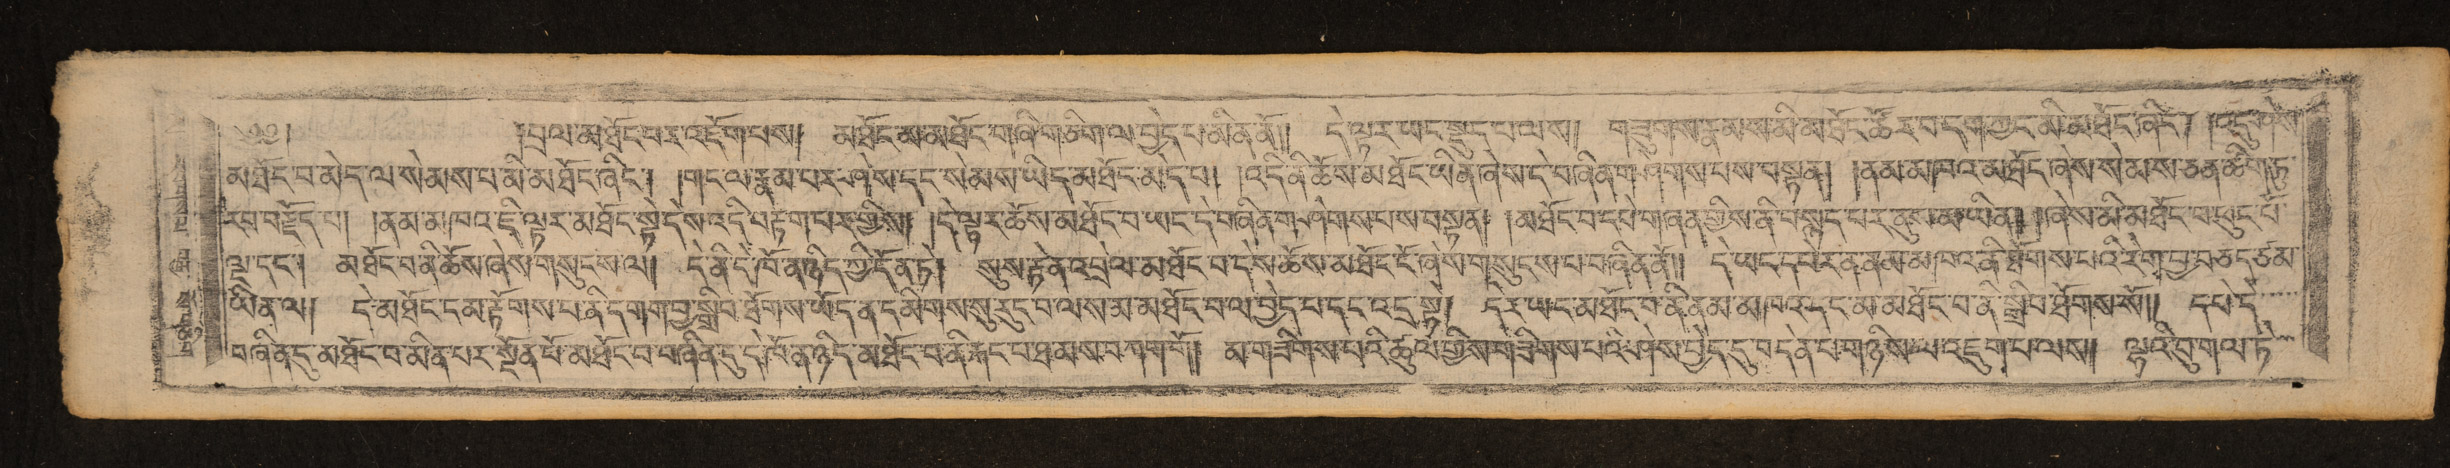༄༅། །བྲལ་མཐོང་བར་འཇོག་པས། མཐོང་མ་མཐོང་གཞི་གཅིག་ལ་བྱེད་པ་མིན་ནོ།། དེ་ལྟར་ཡང་སྡུད་པ་ལས། གཟུགས་རྣམས་མི་མཐོང་ཚོར་བ་དག་ཀྱང་མི་མཐོང་ཞིང་། །འདུ་ཤེས་
མཐོང་བ་མེད་ལ་སེམས་པ་མི་མཐོང་ཞིང་། །གང་ལ་རྣམ་པར་ཤེས་དང་སེམས་ཡིད་མཐོང་མེད་པ། །འདི་ནི་ཆོས་མཐོང་ཡིན་ཞེས་དེ་བཞིན་གཤེགས་པས་བསྟན། །ནམ་མཁའ་མཐོང་ཞེས་སེམས་ཅན་ཚིག་ཏུ་
རབ་བརྗོད་པ། །ནམ་མཁའ་ཇི་ལྟར་མཐོང་སྟེ་དེས་འདི་བརྟག་པར་གྱིས། །དེ་ལྟར་ཆོས་མཐོང་བ་ཡང་དེ་བཞིན་གཤེགས་པས་བསྟན། །མཐོང་བ་དཔེ་གཞན་གྱིས་ནི་བསྙད་པར་ནུས་མ་ཡིན། །ཞེས་མི་མཐོང་བ་ཕུང་པོ་
ལྔ་དང་། མཐོང་བ་ནི་ཆོས་ཞེས་གསུངས་ལ། དེ་ནི་དེ་ཁོ་ན་ཉིད་ཀྱི་དོན་ཏེ། སུས་རྟེན་འབྲེལ་མཐོང་བ་དེས་ཆོས་མཐོང་ངོ་ཞེས་གསུངས་པ་བཞིན་ནོ།། དེ་ཡང་དཔེར་ན་ནམ་མཁའ་ནི་ཐོགས་པའི་རེག་བྱ་བཅད་ཙམ་
ཡིན་ལ། དེ་མཐོང་ངམ་རྟོགས་པ་ནི་དགག་བྱ་སྒྲིབ་ཐོགས་ཡོད་ན་དམིགས་སུ་རུང་བ་ལས་མ་མཐོང་བ་ལ་བྱེད་པ་དང་འདྲ་སྟེ། དེར་ཡང་མཐོང་བ་ནི་ནམ་མཁའ་དང་མ་མཐོང་བ་ནི་སྒྲིབ་ཐོགས་སོ།། དཔེ་དེ་
བཞིན་དུ་མཐོང་བ་མིན་པར་སྔོན་པོ་མཐོང་བ་བཞིན་དུ་དེ་ཁོ་ན་ཉིད་མཐོང་བ་ནི་རྐང་པ་ཐ་མས་བཀག་གོ། མ་གཟིགས་པའི་ཚུལ་གྱིས་གཟིགས་པའི་ཤེས་བྱེད་དུ་བདེན་པ་གཉིས་ལ་འཇུག་པ་ལས། ལྷའི་བུ་གལ་ཏེ་